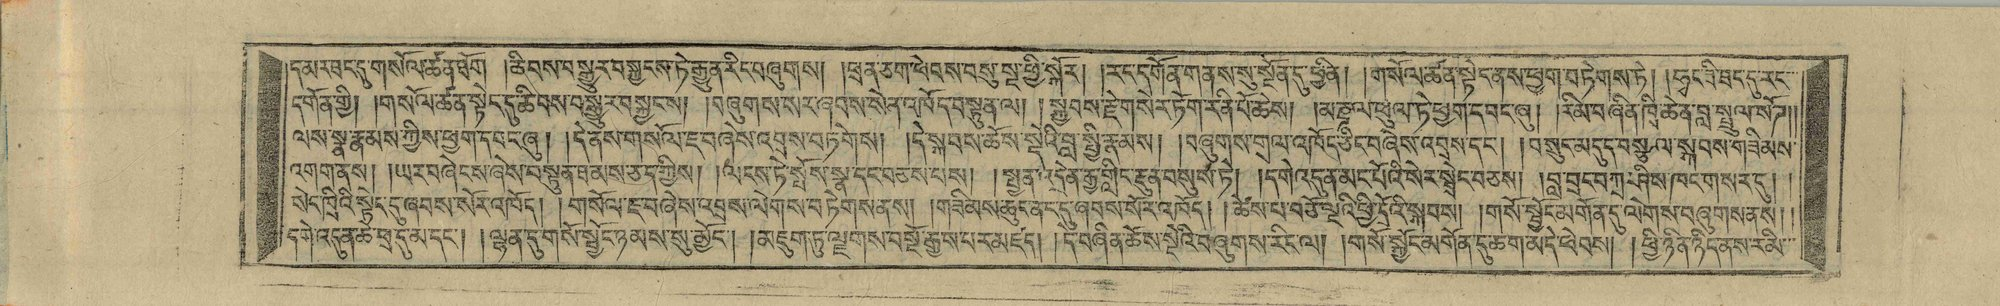དམར་ཐང་དུ་གསོལ་ཚན་ཐོག །ཆིབས་བསྒྱུར་བསྐྱངས་ཏེ་རྒྱུན་རིང་བཞུགས། །ཕྲན་ཅག་ཕེབས་བསུ་སྔ་ཕྱི་སྐོར། །རང་དགོན་གནས་སུ་སྔོན་དུ་ཕྱིན། །གསོལ་ཚན་སྟེང་ནས་ཕྱག་བཏེགས་ཏེ། །ཧྭང་ཟི་ཐང་དུ་རང་
དགོན་གྱི། །གསོལ་ཚན་སྟེང་དུ་ཆིབས་བསྒྱུར་བསྐྱངས། །བཞུགས་སར་ཞབས་སེན་འཁོད་བསྟུན་ལ། །སྐྱབས་རྗེ་གསེར་ཏོག་རིན་པོ་ཆེས། །མཎྜལ་ཕུལ་ཏེ་ཕྱག་དབང་ཞུ། །རིམ་བཞིན་ཁྲི་ཆེན་བླ་སྤྲུལ་སོགས། །
ལས་སྣ་རྣམས་ཀྱིས་ཕྱག་དབང་ཞུ། །དེ་ནས་གསོལ་ཇ་བཞེས་འབྲས་བཏེགས། །དེ་སྐབས་ཆོས་སྡེའི་བླ་སྤྱི་རྣམས། །བཞུགས་གྲལ་འཁོད་ཅིང་བཞེས་འབྲས་དང་། །བསྲུང་མདུད་བསྩལ་སྐབས་གཟིམས་
འགག་ནས། །ཡར་བཞེངས་ཞེས་བསྟུན་ཐམས་ཅད་ཀྱིས། །ལངས་ཏེ་སྤོས་སྣ་དང་བཅས་པས། །སྤྱན་འདྲེན་རྒྱ་གླིང་རྡུན་བསུས་ཏེ། །དགེ་འདུན་མང་པོའི་སེར་སྦྲེང་བཅས། །བླ་བྲང་བཀྲ་ཤིས་ཁང་གསར་དུ། །
སེང་ཁྲིའི་སྟེང་དུ་ཞབས་སོར་འཁོད། །གསོལ་ཇ་བཞེས་འབྲས་ལེགས་བཏེགས་ནས། །གཟིམས་ཆུང་ནང་དུ་ཞབས་སོར་འཁོད། །ཚེས་པ་བཅོ་ལྔའི་ཕྱི་དྲོའི་སྐབས། །གསོ་སྦྱོང་མགོན་དུ་ལེགས་བཞུགས་ནས། །
དགེ་འདུན་ཆེ་ཕྲ་དུ་མ་དང་། །ལྷན་དུ་གསོ་སྦྱོང་ཉམས་སུ་མྱོང་། །མཇུག་ཏུ་ལྗགས་བསྔོ་རྒྱས་པར་མཛད། །དེ་བཞིན་ཆོས་སྡེའི་བཞུགས་རིང་ལ། །གསོ་སྐྱོང་མགོན་དུ་ཆག་མེད་ཕེབས། །ཕྱི་ཉིན་ཉིད་ནས་རིམ་
༄༅༅༅་་༄༅༅༅